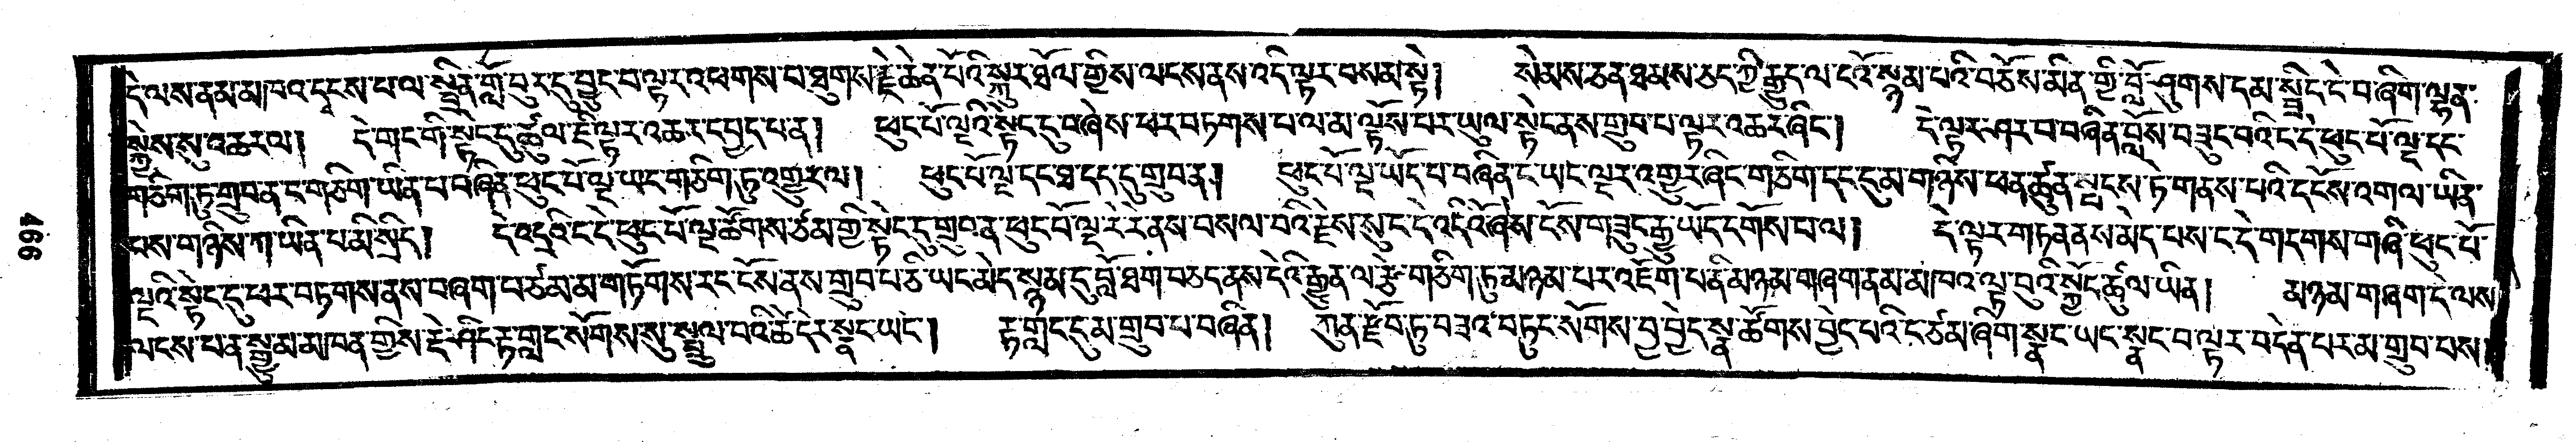དེ་ལས་ནམ་མཁའ་དྭངས་པ་ལ་སྦྲིན་གློ་བུར་དུ་བྱུང་བ་ལྟར་འཕགས་པ་ཐུགས་རྗེ་ཆེན་པོའི་སྐུར་ཐོལ་གྱིས་ལངས་ནས་འདི་ལྟར་བསམ་སྟེ། སེམས་ཅན་ཐམས་ཅད་ཀྱི་རྒྱུད་ལ་ངའོ་སྙམ་པའི་བཅོས་མིན་གྱི་བློ་ཤུགས་དམ་སྦྲིང་དེ་བ་ཞིག་ལྷན་
སྐྱེས་སུ་འཆར་ལ། དེ་གང་གི་སྟེང་དུ་ཚུལ་ཇི་ལྟར་འཆར་དཔྱད་པ་ན། ཕུང་པོ་ལྔའི་སྟེང་དུ་བཞེས་ཕར་བཏགས་པ་ལ་མ་ལྟོས་པར་ཡུལ་སྟེང་ནས་གྲུབ་པ་ལྟར་འཆར་ཞིང་། དེ་ལྟར་ཤར་བ་བཞིན་བློས་བཟུང་བའི་ང་དེ་ཕུང་པོ་ལྔ་དང་
གཅིག་ཏུ་གྲུབ་ན་ང་གཅིག་ཡིན་པ་བཞིན་ཕུང་པོ་ལྔ་ཡང་གཅིག་ཏུ་འགྱུར་ལ། ཕུང་པོ་ལྔ་དང་ཐ་དད་དུ་གྲུབ་ན། ཕུང་པོ་ལྔ་ཡོད་པ་བཞིན་ང་ཡང་ལྔར་འགྱུར་ཞིང་གཅིག་དང་དུ་མ་གཉིས་ཕན་ཚུན་སྤངས་ཏེ་གནས་པའི་དངོས་འགལ་ཡིན་
པས་གཉིས་ཀ་ཡིན་པ་མི་སྲིད། དེ་འདྲའི་ང་དེ་ཕུང་པོ་ལྔ་ཚོགས་ཙམ་གྱི་སྟེང་དུ་གྲུབ་ན་ཕུང་པོ་ལྔ་རེ་རེ་ནས་བསལ་བའི་རྗེས་སུ་ང་དེ་འདིའོ་ཞེས་ངོས་གཟུང་རྒྱུ་ཡོད་དགོས་པ་ལ། དེ་ལྟར་གཏན་ནས་མེད་པས་ང་དེ་གདགས་གཞི་ཕུང་པོ་
ལྔའི་སྟེང་དུ་ཕར་བཏགས་ནས་བཞག་པ་ཙམ་མ་གཏོགས་རང་ངོས་ནས་གྲུབ་པ་ཅི་ཡང་མེད་སྙམ་དུ་བློ་ཐག་བཅད་ནས་དེའི་རྒྱུན་ལ་རྩེ་གཅིག་ཏུ་མཉམ་པར་འཇོག་པ་ནི་མཉམ་གཞག་ནམ་མཁའ་ལྟ་བུའི་སྐྱོང་ཚུལ་ཡིན། མཉམ་གཞག་དེ་ལས་
ལངས་པ་ན་སྒྱུ་མ་མཁན་གྱིས་རྡེ་ཤིང་རྟ་གླང་སོགས་སུ་སྤྲུལ་པའི་ཚེ་དེར་སྣང་ཡང་། རྟ་གླང་དུ་མ་གྲུབ་པ་བཞིན། ཀུན་རྫོབ་ཏུ་བཟའ་བཏུང་སོགས་བྱ་བྱེད་སྣ་ཚོགས་བྱེད་པའི་ང་ཙམ་ཞིག་སྣང་ཡང་སྣང་བ་ལྟར་བདེན་པར་མ་གྲུབ་པས་